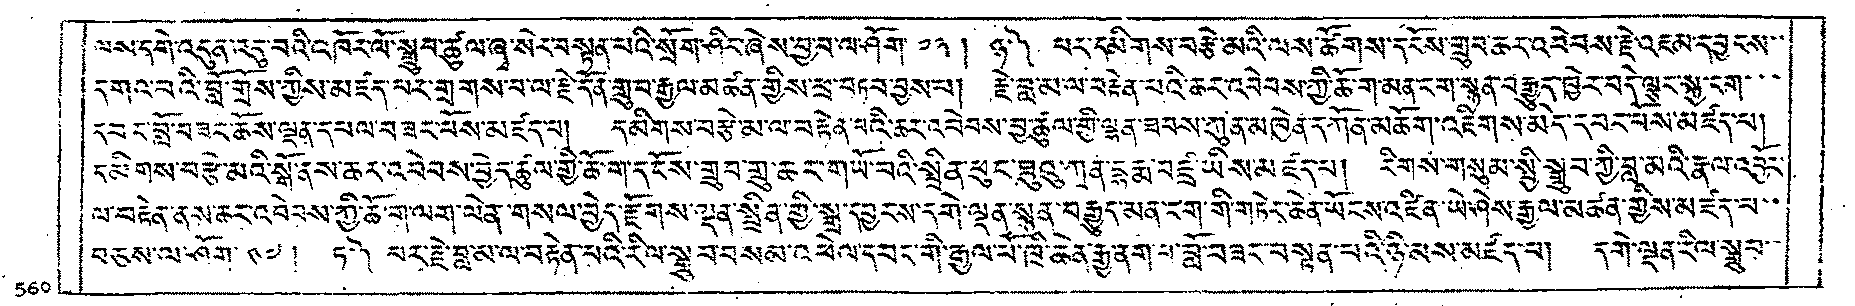ལས་དགེ་འདུན་འདུ་བའི་འཁོར་ལོ་སྒྲུབ་ཚུལ་ཞྭ་སེར་བསྟན་པའི་སྲོག་ཤིང་ཞེས་བྱ་བ་ལ་ཤོག ༡༢། ཉ྄་པར་དམིགས་བརྩེ་མའི་ལས་ཚོགས་དངོས་གྲུབ་ཆར་འབེབས་རྗེ་འཇམ་དབྱངས་
དགའ་བའི་བློ་གྲོས་ཀྱིས་མཛད་པར་གྲགས་པ་ལ་རྗེ་དོན་གྲུབ་རྒྱལ་མཚན་གྱིས་ཕྲ་བཏབ་བྱས་པ། རྗེ་བླ་མ་ལ་བརྟེན་པའི་ཆར་འབེབས་ཀྱི་ཆོ་ག་མན་ངག་སྙན་བརྒྱུད་ཁྱེར་བདེ་ལྕང་སྐྱ་ངག་
དབང་བློ་བཟང་ཆོས་ལྡན་དཔལ་བཟང་པོས་མཛད་པ། དམིགས་བརྩེ་མ་ལ་བརྟེན་པའི་ཆར་འབེབས་བྱ་ཚུལ་གྱི་ལྷན་ཐབས་ཀུན་མཁྱེན་དཀོན་མཆོག་འཇིགས་མེད་དབང་པོས་མཛད་པ།
དམིགས་བརྩེ་མའི་སྒོ་ནས་ཆར་འབེབས་བྱེད་ཚུལ་གྱི་ཆོ་ག་དངོས་གྲུབ་གྲུ་ཆར་གཡོ་བའི་སྤྲིན་ཕུང་ཐུའུ་ཀྭན་དྷརྨ་བཛྲ་ཡིས་མཛད་པ། རིགས་གསུམ་སྤྱི་སྒྲུབ་ཀྱི་བླ་མའི་རྣལ་འབྱོར་
ལ་བརྟེན་ནས་ཆར་འབེབས་ཀྱི་ཆོ་ག་ལག་ལེན་གསལ་བྱེད་རྫོགས་ལྡན་སྤྲིན་གྱི་སྒྲ་དབྱངས་དགེ་ལྡན་སྙན་བརྒྱུད་མན་ངག་གི་གཏེར་ཆེན་ཡོངས་འཛིན་ཡེ་ཤེས་རྒྱལ་མཚན་གྱིས་མཛད་པ་
བཅས་ལ་ཤོག ༤༧། ཏ྄་པར་རྗེ་བླ་མ་ལ་བརྟེན་པའི་རིལ་སྒྲུབ་བསམ་འཕེལ་དབང་གི་རྒྱལ་པོ་ཁྲི་ཆེན་རྒྱ་ནག་པ་བློ་བཟང་བསྟན་པའི་ཉི་མས་མཛད་པ། དགེ་ལྡན་རིལ་སྒྲུབ་